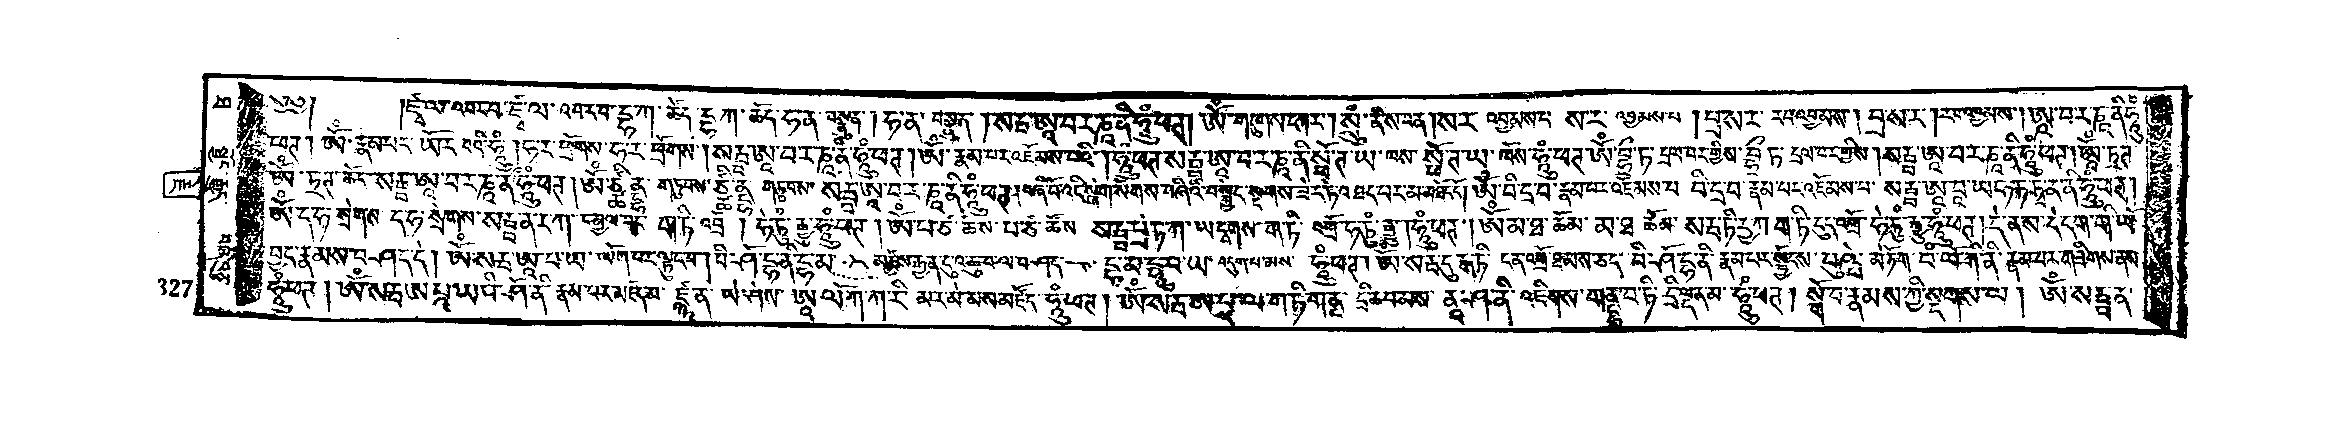༄༅། །ཛྭ་ལ་འབར་བ་ཛྭ་ལ་འབར་བ་དྷ་ཀ་ཚེད་དྷ་ཀ་ཆོད་ཧ་ན་བསྣུན།  ཧ་ན་བསྣུན་།སརྦ་ཨཱ་བ་ར་ཎཱ་ནི་ཧཱུཾ་ཕཊ། ཨོཾ་གདུགས་དཀར།  སྲུཾ་ནི་ས་བོན།  ས་ར་འབྱམས་པ་ས་ར་འབྱམས་པ།  པྲ་ས་ར་རབ་འབྱམས།  བྲ་ས་ར། རབ་འབྱམས་།ཨཱ་བ་ར་ཎཱ་ནི་ཧཱུཾ་
ཕཊ། ཨོཾ་རྣམ་པར་ཡོར་བའི་ཧཱུཾ། ཧ་ར་ཕྲོགས་ཧ་ར་ཕྲོགས། སརྦྦ་ཨཱ་བ་ར་ཎཱ་ནི་ཧཱུཾ་ཕཊ། ཨོཾ་རྣམ་པར་འཇོམས་པའི།  ཧཱུཾ་ཕཊ་སརྦྦ་ཨཱ་བ་ར་ཎཱ་ནི་སྥོ་ཊ་ཡ་ཁས་སྥོ་ཊ་ཡ་ཁོས་ཧཱུཾ་ཕཊ་ཨོཾ་བྷྲི་ཏ་དྲལ་བར་གྱིས་བྷྲི་ཏ་དྲལ་བར་གྱིས།  སརྦྦ་ཨཱ་བ་ར་ཎཱ་ནི་ཧཱུཾ་ཕཊ་ཨོཾའ་ཏྲཊ་
ཨོཾ་ཏྲཊ་ཆོང་སརྦྦ་ཨཱ་བ་ར་ཎཱ་ནི་ཧཱུཾ་ཕཊ། ཨོཾ་ཙྪིནྡྷ་གཏུབས་ཙྪིནྡྷ་གཏུབས་སརྦྦ་ཨཱ་བ་ར་ཎཱ་ནི་ཧཱུཾ་ཕཊ། བཞི་པོ་འདི་སྒེག་སོགས་བཞིའི་བསྐྱེད་སྔགས་ཟེར་ཏེ་འཐད་པར་མ་མཐོང་ངོ།  ཨོཾ་བི་དྲ་བ་རྣམ་པར་འཛོམས་པ་བི་དྲ་བ་རྣམ་པར་འཇོམས་པ་སརྦྦ་ཨཱ་བཱ་ཡ་ཧ་ཏ་ཏྲ་ན་ནི་ཧཱུཾ་ཕཊ།
ཨོཾ་ད་ཧ་སྲེགས་ད་ཧ་སྲེགས་སརྦྦ་ན་ར་ཀ་དམྱལ་བར་ག་ཏི་འབྲོ་།ཧེ་ཏུཾ་རྒྱུ་ཧཱུཾ་ཕཊ། ཨོཾ་པ་ཙ་ཚེས་པ་ཙ་ཚོས་སརྦྦ་པྲེ་ཏ་ཀ་ཡི་དྭགས་ག་ཏི་འགྲོ་ཧེ་ཏུཾ་རྒྱུ་།ཧཱུཾ་ཕཊ། ཨོཾ་མ་ཐ་ཆོམ་མ་ཐ་ཆོམ་སརྦ་ཏི་རྱ་ཀ་ག་ཏི་དུད་འགྲོ། ཧེ་ཏུཾ་རྒྱུ་ཧཱུཾ་ཕཊ། དེ་ནས་དེ་དག་གི་ཡེ་
བྱང་རྣམས་བཤད་དེ། ཨོཾ་སརྦ་ཨཱ་པ་ཡ་ལོག་པར་ལྟུང་བ། བི་ཤོ་དྷ་ནི་དྷ་མ་H.་མཛེས་རྒྱན་དུ་འ་ཆུ་བ་ལ་བཤད་.Hདྷ་མ་དྷཱུ་པ་ཡ་འདུག་པ་མས་ཧཱུཾ་ཕཊ། ཨོཾ་སརྦ་དུརྒ་ཏི་ངན་འགྲོ་ཐམས་ཅད་བི་ཤོ་དྷ་ནི་རྣམ་པར་སྦྱོངས་པུཥྤེ་མེ་ཏོག་བི་ལོ་གི་ནི་རྣམ་པར་གཟིགས་ནས་
ཧཱུཾ་ཕཊ། ཨོཾ་སརྦ་ཨ་པཱ་ཡ་བི་ཤོ་ནི་རྣམ་པར་མཛད་མ་ཛྙཱ་ན་ཡེ་ཤེས་ཨཱ་ལོ་ཀ་ཀ་རི་མར་མེ་མས་མཛོད་ཧཱུཾ་ཕཊ། ཨོཾ་སརྦ་ཨ་པཱ་ལ་ག་ཏི་གནྡྷ་དྲི་ཆབ་མས་ནཱ་ཤ་ནི་འཇིགས་གནྡྷ་བ་ཏི་དྲི་ལྡན་མ་ཧཱུཾ་ཕཊ། སྒོ་བ་རྣམས་ཀྱི་སྔགས་ལ། ཨོཾ་སརྦྦ་ན་